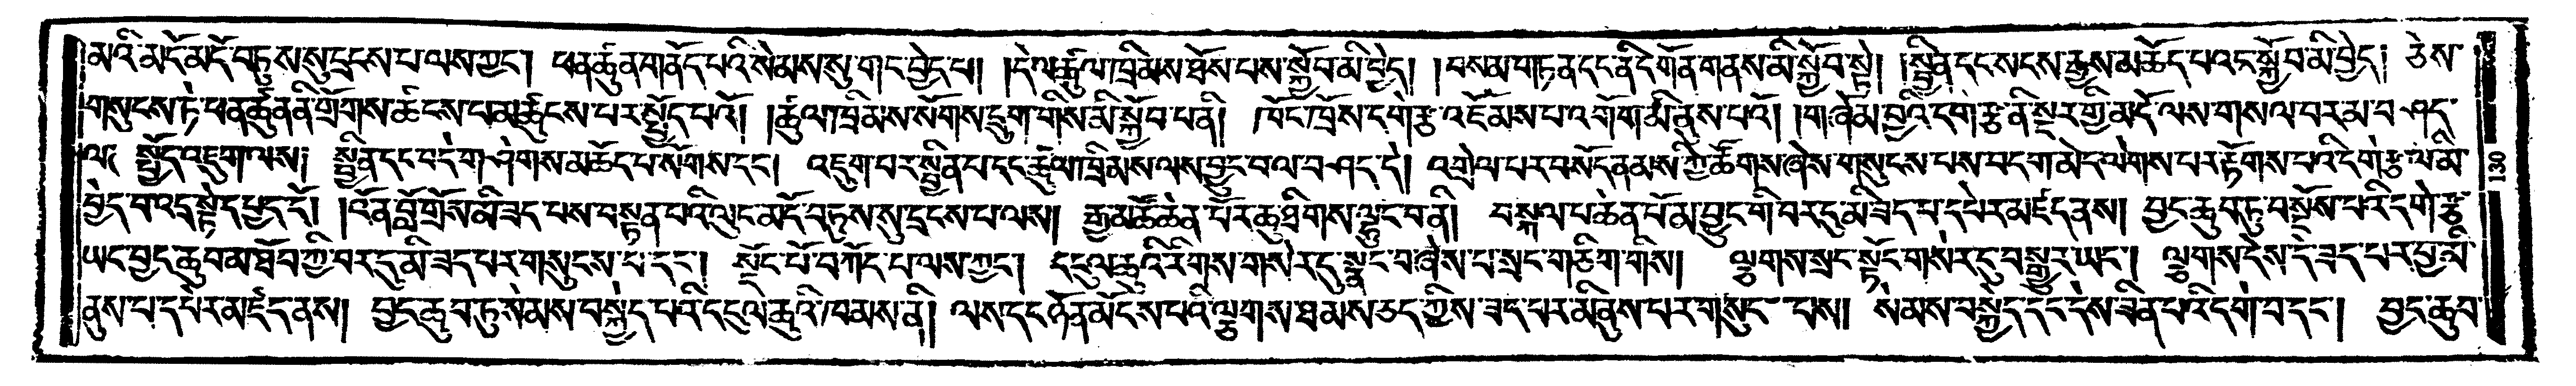མའི་མདོ་མདོ་བཏུས་སུ་དྲངས་པ་ལས་ཀྱང་། ཕན་ཚུན་གནོད་པའི་སེམས་སུ་གང་བྱེད་པ། །དེ་ལ་ཚུལ་ཁྲིམས་ཐོས་པས་སྐྱོབ་མི་བྱེད། །བསམ་གཏན་དང་ནི་དགོན་གནས་མི་སྐྱོབ་སྟེ། །སྦྱིན་དང་སངས་རྒྱས་མཆོད་པའང་སྐྱོབ་མི་བྱེད། ཅེས་
གསུངས་ཏེ་ཕན་ཚུན་ནི་གྲོགས་ཚངས་པ་མཚུངས་པར་སྤྱོད་པའོ། །ཚུལ་ཁྲིམས་སོགས་དྲུག་གིས་མི་སྐྱོབ་པ་ནི། ཁོང་ཁྲོས་དགེ་རྩ་འཇོམས་པ་འགོག་མི་ནུས་པའོ། །གཞོམ་བྱའི་དགེ་རྩ་ནི་སྔར་གྱི་མདོ་ལས་གསལ་བར་མ་བཤད་
ལ། སྤྱོད་འཇུག་ལས། སྦྱིན་དང་བདེ་གཤེགས་མཆོད་པ་སོགས་དང་། འཇུག་པར་སྦྱིན་པ་དང་ཚུལ་ཁྲིམས་ལས་བྱུང་བ་ལ་བཤད་དེ། འགྲེལ་པར་བསོད་ནམས་ཀྱི་ཚོགས་ཞེས་གསུངས་པས་བདག་མེད་ལེགས་པར་རྟོགས་པའི་དགེ་རྩ་ལ་མི་
བྱེད་པ་འདྲ་སྟེ་དཔྱད་དེ། །འོ་ན་བློ་གྲོས་མི་ཟད་པས་བསྟན་པའི་ལུང་མདོ་བཏུས་སུ་དྲངས་པ་ལས། རྒྱ་མཚོ་ཆེན་པོར་ཆུ་ཐིགས་ལྷུང་བ་ནི། བསྐལ་པ་ཆེན་པོ་མ་བྱུང་གི་བར་དུ་མི་ཟད་པ་དཔེར་མཛད་ནས། བྱང་ཆུབ་ཏུ་བསྔོས་པའི་དགེ་རྩ་
ཡང་བྱང་ཆུབ་མ་ཐོབ་ཀྱི་བར་དུ་མི་ཟད་པར་གསུངས་པ་དང་། སྡོང་པོ་བཀོད་པ་ལས་ཀྱང་། དངུལ་ཆུའི་རིགས་གསེར་དུ་སྣང་བ་ཞེས་པ་སྲང་གཅིག་གིས། ལྕགས་སྲང་སྟོང་གསེར་དུ་བསྒྱུར་ཡང་། ལྕགས་དེས་དེ་ཟད་པར་བྱ་མི་
ནུས་པ་དཔེར་མཛད་ནས། བྱང་ཆུབ་ཏུ་སེམས་བསྐྱེད་པའི་དངུལ་ཆུའི་ཁམས་ནི། ལས་དང་ཉོན་མོངས་པའི་ལྕགས་ཐམས་ཅད་ཀྱིས་ཟད་པར་མི་ནུས་པར་གསུངས་པས། སེམས་བསྐྱེད་དང་དེས་ཟིན་པའི་དགེ་བ་དང་། བྱང་ཆུབ་